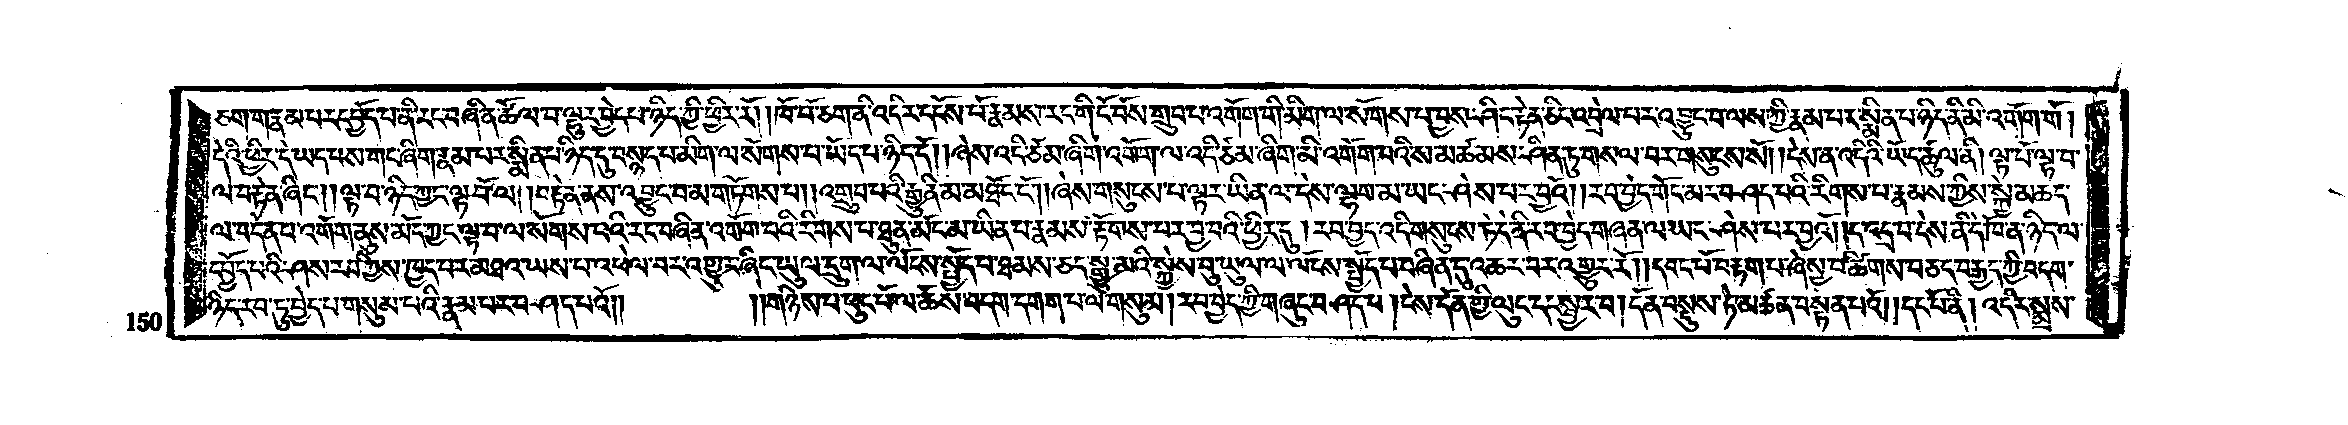ཅག་གི་རྣམ་པར་དཔྱོད་པ་ནི་རང་བཞིན་ཚོལ་བ་ལྷུར་བྱེད་པ་ཉིད་ཀྱི་ཕྱིར་རོ། །ཁོ་བོ་ཅག་ནི་འདིར་དངོས་པོ་རྣམས་རང་གི་ངོ་བོས་གྲུབ་པ་འགོག་གི་མིག་ལ་སོགས་པ་བྱས་ཤིང་རྟེན་ཅིང་འབྲེལ་པར་འབྱུང་བ་ལས་ཀྱི་རྣམ་པར་སྨིན་པ་ཉིད་ནི་མི་འགོག་གོ།
དེའི་ཕྱིར་དེ་ཡོད་པས་གང་ཞིག་རྣམ་པར་སྨིན་པ་ཉིད་དུ་བསྙད་པ་མིག་ལ་སོགས་པ་ཡོད་པ་ཉིད་དོ། །ཞེས་འདི་ཙམ་ཞིག་འགོག་ལ་འདི་ཙམ་ཞིག་མི་འགོག་པའི་ས་མཚམས་ཤིན་ཏུ་གསལ་བར་གསུངས་སོ། །དེས་ན་འདིའི་ཡོད་ཚུལ་ནི། ལྟ་པོ་ལྟ་བ་
ལ་བརྟེན་ཞིང་། །ལྟ་བ་ཉིད་ཀྱང་ལྟ་པོ་ལ། །བརྟེན་ནས་འབྱུང་བ་མ་གཏོགས་པ། །འགྲུབ་པའི་རྒྱུ་ནི་མ་མཐོང་ངོ། །ཞེས་གསུངས་པ་ལྟར་ཡིན་ལ་དེས་ལྷག་མ་ཡང་ཤེས་པར་བྱའོ། །རབ་བྱེད་གོང་མར་བཤད་པའི་རིགས་པ་རྣམས་ཀྱིས་སྐྱེ་མཆད་
ལ་བདེན་པ་འགོག་ནུས་མོད་ཀྱང་ལྟ་བ་ལ་སོགས་པའི་རང་བཞིན་འགོག་པའི་རིགས་པ་ཐུན་མོང་མ་ཡིན་པ་རྣམས་རྟོགས་པར་བྱ་བའི་ཕྱིར་དུ། རབ་བྱེད་འདི་གསུངས་ཏེ་དེ་ནི་རབ་བྱེད་གཞན་ལ་ཡང་ཤེས་པར་བྱའོ། །དེ་འདྲ་བ་དེས་ནི་དེ་ཁོ་ན་ཉིད་ལ་
དཔྱོད་པའི་ཤེས་རབ་ཀྱིས་ཁྱད་པར་མཐའ་ཡས་པ་འཕེལ་བར་འགྱུར་ཞིང་ཡུལ་དྲུག་ལ་ལོངས་སྤྱོད་པ་ཐམས་ཅད་སྒྱུ་མའི་སྐྱེས་བུ་ཡུལ་ལ་ལོངས་སྤྱོད་པ་བཞིན་དུ་འཆར་བར་འགྱུར་རོ། །དབང་པོ་བརྟག་པ་ཞེས་བྱ་བ་ཚིགས་བཅད་བརྒྱད་ཀྱི་བདག་
ཉིད་རབ་ཏུ་བྱེད་པ་གསུམ་པའི་རྣམ་པར་བཤད་པའོ།། །།གཉིས་པ་ཕུང་པོ་ལ་ཆོས་བདག་དགག་པ་ལ་གསུམ། རབ་བྱེད་ཀྱི་གཞུང་བཤད་པ། ངེས་དོན་གྱི་ལུང་དང་སྦྱར་བ། དོན་བསྡུས་ཏེ་མཚན་བསྟན་པའོ། །དང་པོ་ནི། འདིར་སྨྲས་